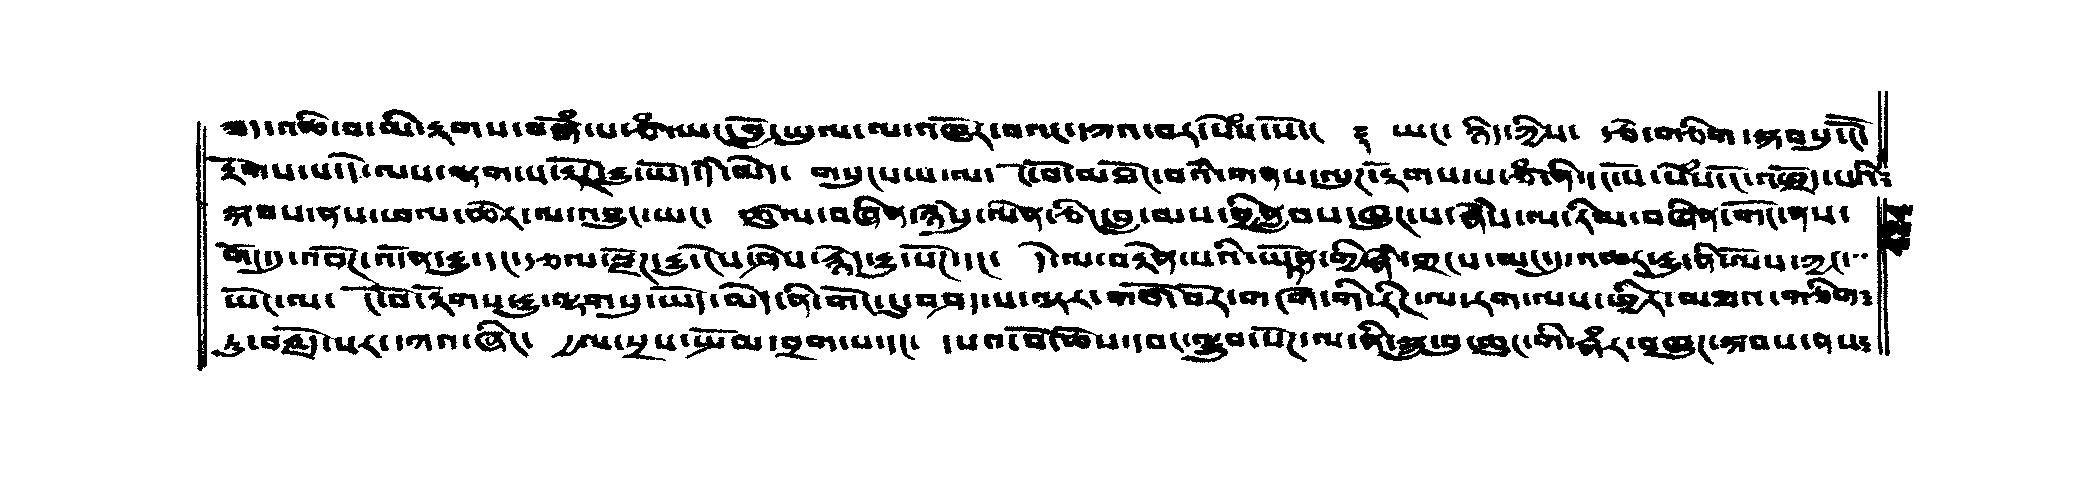ཟད་འཆི་བ་མི་རྟག་བསྒོམ་པ་ཙམ་ཡང་བློ་་ཡུལ་ལ་འཁོར་བའང་དཀའ་བར་སེམས་སོ།༈ ཡང་ཉིད་ཀྱིས། རྩེ་གཅིག་སྐབས་སུ་ངོ་བོ་
རྟོགས་པ་དེ་ལས་ལྷག་པ་རྟོགས་རྒྱུ་ཡོད་དམ་མེད། གསུངས་པ་ལ་ངོ་བོ་མཐོང་བའམ་གནས་ལུགས་རྟོགས་པ་ཙན་ནི་དང་པོ་སེམས་ངོ་འཕྲོད་པའི་
སྐབས་ནས་ཕལ་ཆེར་ལ་འབྱུང་ཡང་། ཚུལ་བཞིན་ཉམས་སུ་ལེན་ཅིང་བླ་མས་བྱིན་རླབས་ཞུགས་པ་རྣམས་རིམ་བཞིན་གོང་ནས་
གོང་དུ་འབོག་འདོན་རྒྱུ་དང་རྩལ་རྫོགས་རྒྱུ་ངེས་ཤེས་རྙེད་རྒྱུ་སོགས་དང་། དེ་ལ་བརྟེན་པའི་ཡོན་ཏན་གྱི་རྣམ་གྲངས་མང་དུ་འཆར་རྒྱུ་ནི་ལོས་ཀྱང་
ཡོང་ལ། ངོ་བོ་རྟགས་རྒྱུ་ལྷགས་སུ་ཡོད་མེད་ནི་གོང་དུ་བཤད་པ་ལྟར་གཙོ་བོར་གདམས་ངག་གི་རིགས་ལ་རག་ལས་ཕྱིར་མཐའ་གཅིག་
ཏུ་བརྗོད་པར་དཀའ་ཞིང་། རྒྱལ་སྲས་སྤོམ་བྲག་པ་དང་། དཔའ་བོ་ཆོས་དབང་ལྷུན་གྲུབ་སོགས་ལ་ནི་སྐུ་བུ་ཆུང་གི་རྣམ་པར་བཞུགས་སྐབས་ནས།